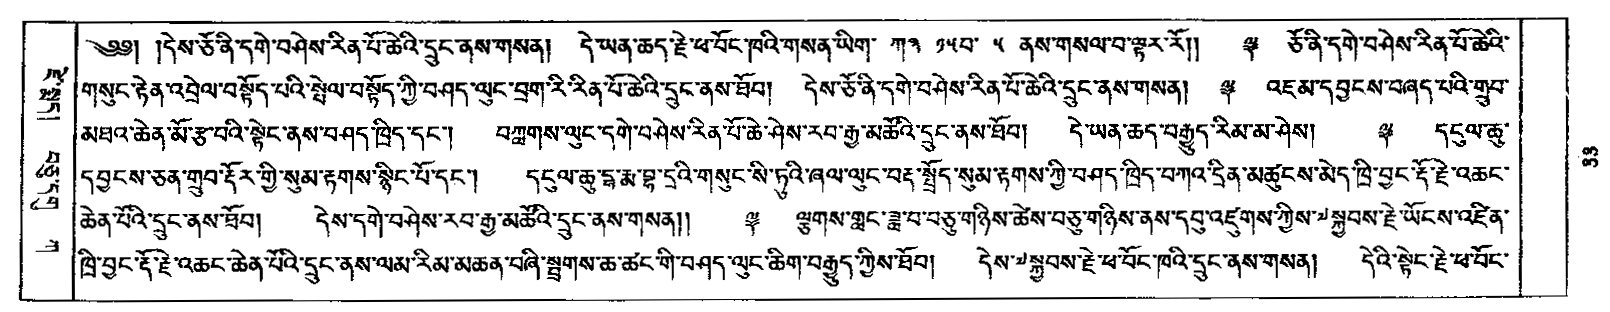༄༅། །དེས་ཅོ་ནི་དགེ་བཤེས་རིན་པོ་ཆེའི་དྲུང་ནས་གསན། དེ་ཡན་ཆད་རྗེ་ཕ་བོང་ཁའི་གསན་ཡིག་ཀ ༣ ༡༥་བ ༥་ནས་གསལ་བ་ལྟར་རོ།། ༈ ཅོ་ནི་དགེ་བཤེས་རིན་པོ་ཆེའི་
གསུང་རྟེན་འབྲེལ་བསྟོད་པའི་སྤེལ་བསྟོད་ཀྱི་བཤད་ལུང་བྲག་རི་རིན་པོ་ཆེའི་དྲུང་ནས་ཐོབ། དེས་ཅོ་ནི་དགེ་བཤེས་རིན་པོ་ཆེའི་དྲུང་ནས་གསན། ༈ འཇམ་དབྱངས་བཞད་པའི་གྲུབ་
མཐའ་ཆེན་མོ་རྩ་བའི་སྟེང་ནས་བཤད་ཁྲིད་དང་། བཀླགས་ལུང་དགེ་བཤེས་རིན་པོ་ཆེ་ཤེས་རབ་རྒྱ་མཚོའི་དྲུང་ནས་ཐོབ། དེ་ཡན་ཆད་བརྒྱུད་རིམ་མ་ཤེས། ༈ དངུལ་ཆུ་
དབྱངས་ཅན་གྲུབ་རྡོར་གྱི་སུམ་རྟགས་སྙིང་པོ་དང་། དངུལ་ཆུ་དྷ་རྨ་བྷ་དྲའི་གསུང་སི་ཏུའི་ཞལ་ལུང་བརྡ་སྤྲོད་སུམ་རྟགས་ཀྱི་བཤད་ཀྱི་ཁྲིད་བཀའ་དྲིན་མཚུངས་མེད་ཁྲི་བྱང་རྡོ་རྗེ་འཆང་
ཆེན་པོའི་དྲུང་ནས་ཐོབ། དེས་དགེ་བཤེས་རབ་རྒྱ་མཚོའི་དྲུང་ནས་གསན།། ༈ ལྕགས་གླང་ཟླ་བ་བཅུ་གཉིས་ཚེས་བཅུ་གཉིས་ནས་དབུ་འཛུགས་ཀྱིས་༧་སྐྱབས་རྗེ་ཡོངས་འཛིན་
ཁྲི་བྱང་རྡོ་རྗེ་འཆང་ཆེན་པོའི་དྲུང་ནས་ལམ་རིམ་མཆན་བཞི་སྦྲགས་ཆ་ཚང་གི་བཤད་ལུང་ཆིག་བརྒྱུད་ཀྱིས་ཐོབ། དེས་༧་སྐྱབས་རྗེ་ཕ་བོང་ཁའི་དྲུང་ནས་གསན། དེའི་སྟེང་རྗེ་ཕ་བོང་